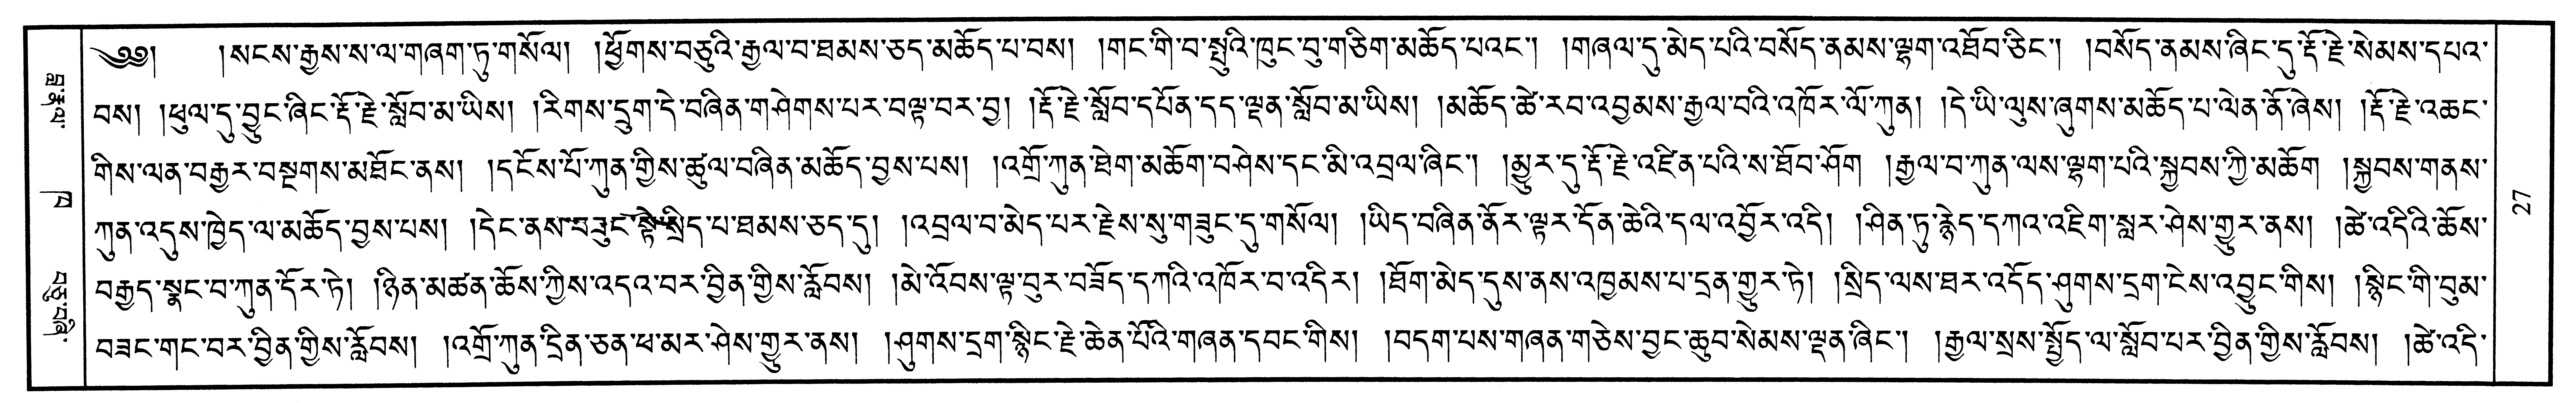༄༅། །སངས་རྒྱས་ས་ལ་གཞག་ཏུ་གསོལ། །ཕྱོགས་བཅུའི་རྒྱལ་བ་ཐམས་ཅད་མཆོད་པ་བས། །གང་གི་བ་སྤུའི་ཁུང་བུ་གཅིག་མཆོད་པའང་། །གཞལ་དུ་མེད་པའི་བསོད་ནམས་ལྷག་འཐོབ་ཅིང་། །བསོད་ནམས་ཞིང་དུ་རྡོ་རྗེ་སེམས་དཔའ་
བས། །ཕུལ་དུ་བྱུང་ཞིང་རྡོ་རྗེ་སློབ་མ་ཡིས། །རིགས་དྲུག་དེ་བཞིན་གཤེགས་པར་བལྟ་བར་བྱ། །རྡོ་རྗེ་སློབ་དཔོན་དད་ལྡན་སློབ་མ་ཡིས། །མཆོད་ཚེ་རབ་འབྱམས་རྒྱལ་བའི་འཁོར་ལོ་ཀུན། །དེ་ཡི་ལུས་ཞུགས་མཆོད་པ་ལེན་ནོ་ཞེས། །རྡོ་རྗེ་འཆང་
གིས་ལན་བརྒྱར་བསྔགས་མཐོང་ནས། །ངོས་པོ་ཀུན་གྱིས་ཚུལ་བཞིན་མཆོད་བྱས་པས། །འགྲོ་ཀུན་ཐེག་མཆོག་བཤེས་དང་མི་འབྲལ་ཞིང་། །མྱུར་དུ་རྡོ་རྗེ་འཛིན་པའི་ས་ཐོབ་ཤོག །རྒྱལ་བ་ཀུན་ལས་ལྷག་པའི་སྐྱབས་ཀྱི་མཆོག །སྐྱབས་གནས་
ཀུན་འདུས་ཁྱེད་ལ་མཆོད་བྱས་པས། །དེང་ནས་བཟུང་སྟེ་སྲིད་པ་ཐམས་ཅད་དུ། །འབྲལ་བ་མེད་པར་རྗེས་སུ་གཟུང་དུ་གསོལ། །ཡིད་བཞིན་ནོར་ལྟར་དོན་ཆེའི་དལ་འབྱོར་འདི། །ཤིན་ཏུ་རྙེད་དཀའ་འཇིག་སླར་ཤེས་གྱུར་ནས། །ཚེ་འདིའི་ཆོས་
བརྒྱད་སྣང་བ་ཀུན་དོར་ཏེ། །ཉིན་མཚན་ཆོས་ཀྱིས་འདའ་བར་བྱིན་གྱིས་རློབས། །མེ་འོབས་ལྟ་བུར་བཟོད་དཀའི་འཁོར་བ་འདིར། །ཐོག་མེད་དུས་ནས་འཁྱམས་པ་དྲན་གྱུར་ཏེ། །སྲིད་ལས་ཐར་འདོད་ཤུགས་དྲག་ངེས་འབྱུང་གིས། །སྙིང་གི་བུམ་
བཟང་གང་བར་བྱིན་གྱིས་རློབས། །འགྲོ་ཀུན་དྲིན་ཅན་ཕ་མར་ཤེས་གྱུར་ནས། །ཤུགས་དྲག་སྙིང་རྗེ་ཆེན་པོའི་གཞན་དབང་གིས། །བདག་པས་གཞན་གཅེས་བྱང་ཆུབ་སེམས་ལྡན་ཞིང་། །རྒྱལ་སྲས་སྤྱོད་ལ་སློབ་པར་བྱིན་གྱིས་རློབས། །ཚེ་འདི་